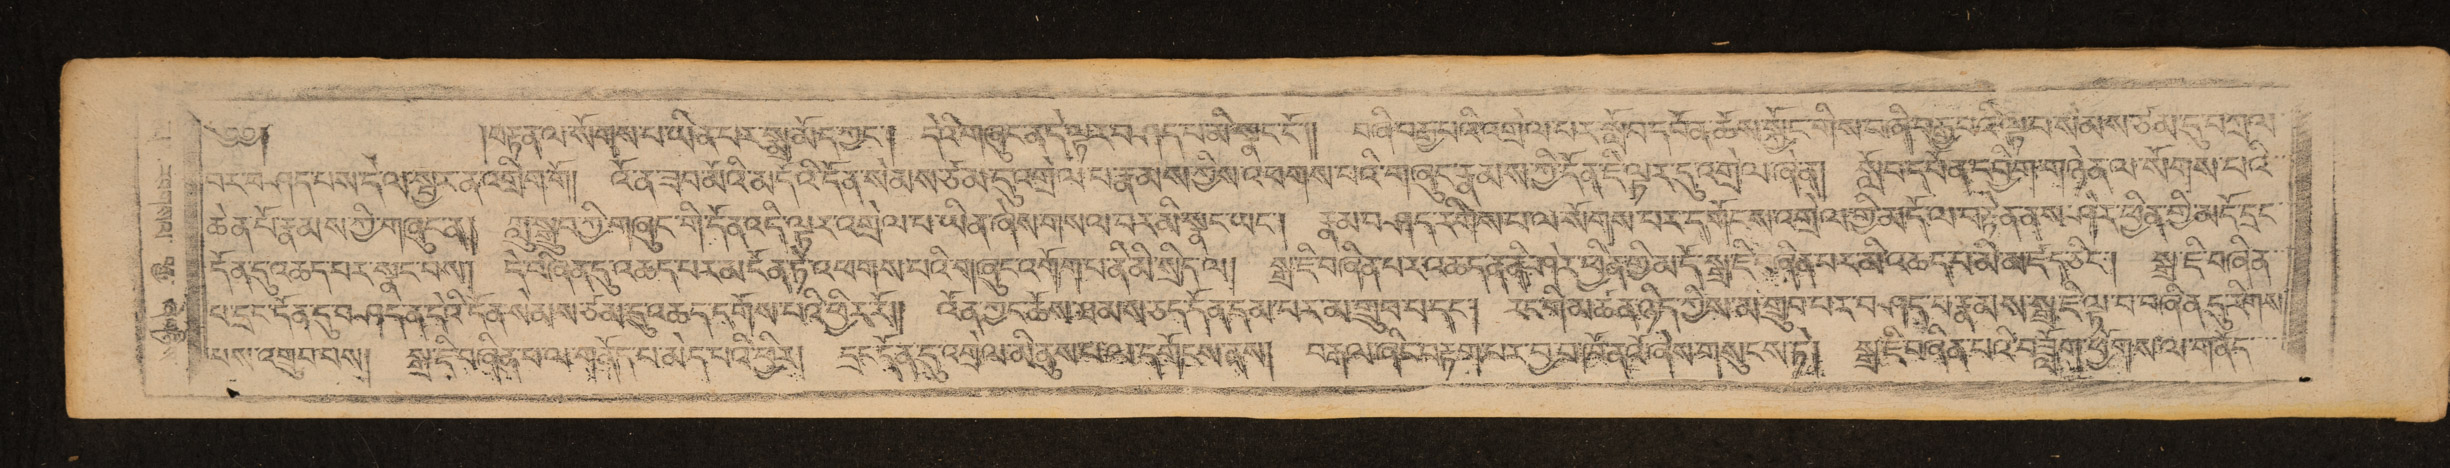༄༅། །བརྟན་ལ་སོགས་པ་ཡིན་པར་སྨྲ་མོད་ཀྱང་། དེའི་གཞུང་ན་དེ་ལྟར་བཤད་པ་མི་སྣང་ངོ།། བཞི་བརྒྱ་པའི་འགྲེལ་པར་སློབ་དཔོན་ཆོས་སྐྱོང་གིས་བཞི་བརྒྱ་པའི་ལྟ་བ་སེམས་ཙམ་དུ་བཀྲལ་
བར་བཤད་པས་དེ་ལ་སྦྱར་ན་འགྲིག་གོ། འོ་ན་ཟབ་མོའི་མདོའི་དོན་སེམས་ཙམ་དུ་འགྲེལ་པ་རྣམས་ཀྱིས་འཕགས་པའི་གཞུང་རྣམས་ཀྱི་དོན་ཇི་ལྟར་དུ་འགྲེལ་ཞེ་ན། སློབ་དཔོན་དབྱིག་གཉེན་ལ་སོགས་པའི་
ཆེན་པོ་རྣམས་ཀྱི་གཞུང་ན། ཀླུ་སྒྲུབ་ཀྱི་གཞུང་གི་དོན་འདི་ལྟར་འགྲེལ་པ་ཡིན་ཞེས་གསལ་བར་མི་སྣང་ཡང་། རྣམ་བཤད་རིགས་པ་ལ་སོགས་པར་དགོངས་འགྲེལ་གྱི་མདོ་ལ་བརྟེན་ནས་ཤེར་ཕྱིན་གྱི་མདོ་དྲང་
དོན་དུ་འཆད་པར་སྣང་བས། དེ་བཞིན་དུ་འཆད་པར་མངོན་ཏེ་འཕགས་པའི་གཞུང་འགོག་པ་ནི་མི་སྲིད་ལ། སྒྲ་ཇི་བཞིན་པར་འཆད་ན་ནི་ཤེར་ཕྱིན་གྱི་མདོ་སྒྲ་ཇི་བཞིན་པར་མི་འཆད་པ་མི་མཛད་ཅིག། སྒྲ་ཇི་བཞིན་
པ་དྲང་དོན་དུ་བཤད་ན་དེའི་དོན་སེམས་ཙམ་དུ་འཆད་དགོས་པའི་ཕྱིར་རོ།། འོན་ཀྱང་ཆོས་ཐམས་ཅད་དོན་དམ་པར་མ་གྲུབ་པ་དང་། རང་གི་མཚན་ཉིད་ཀྱིས་མ་གྲུབ་པར་བཤད་པ་རྣམས་སྒྲ་ཇི་ལྟ་བ་བཞིན་དུ་རིགས་
པས་འགྲུབ་པས། སྒྲ་ཇི་བཞིན་པ་ལ་གནོད་པ་མེད་པའི་ཕྱིར། དྲང་དོན་དུ་འགྲེལ་མི་ནུས་པ་ལ་དགོངས་ནས། བརྒལ་ཞིང་བརྟག་པར་བྱ་བ་ཁོ་ནའོ་ཞེས་གསུངས་ཏེ། སྒྲ་ཇི་བཞིན་པའི་བཟློག་ཕྱོགས་ལ་གནོད་